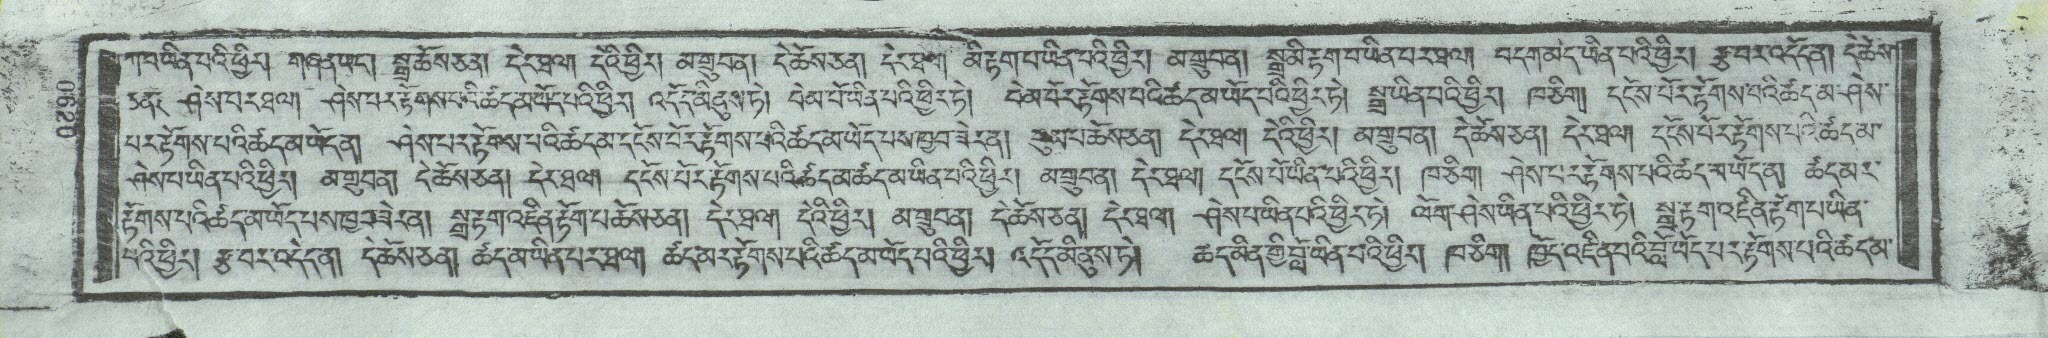ཀ་བ་ཡིན་པའི་ཕྱིར། གཞན་ཡང་། སྒྲ་ཆོས་ཅན། དེར་ཐལ། དེའི་ཕྱིར། མ་གྲུབ་ན། དེ་ཆོས་ཅན། དེར་ཐལ། མི་རྟག་པ་ཡིན་པའི་ཕྱིར། མ་གྲུབ་ན། སྒྲ་མི་རྟག་པ་ཡིན་པར་ཐལ། བདག་མེད་ཡིན་པའི་ཕྱིར། རྩ་བར་འདོད་ན། དེ་ཆོས་
ཅན༑ ཤེས་པར་ཐལ། ཤེས་པར་རྟོགས་པའི་ཚད་མ་ཡོད་པའི་ཕྱིར། འདོད་མི་ནུས་ཏེ། བེམ་པོ་ཡིན་པའི་ཕྱིར་ཏེ། བེམ་པོར་རྟོགས་པའི་ཚད་མ་ཡོད་པའི་ཕྱིར་ཏེ། སྒྲ་ཡིན་པའི་ཕྱིར། ཁ་ཅིག། དངོས་པོར་རྟོགས་པའི་ཚད་མ་ཤེས་
པར་རྟོགས་པའི་ཚད་མ་ཡོད་ན། ཤེས་པར་རྟོགས་པའི་ཚད་མ་དངོས་པོར་རྟོགས་པའི་ཚད་མ་ཡོད་པས་ཁྱབ་ཟེར་ན། བུམ་པ་ཆོས་ཅན། དེར་ཐལ། དེའི་ཕྱིར། མ་གྲུབ་ན། དེ་ཆོས་ཅན། དེར་ཐལ། དངོས་པོར་རྟོགས་པའི་ཚད་མ་
ཤེས་པ་ཡིན་པའི་ཕྱིར། མ་གྲུབ་ན། དེ་ཆོས་ཅན། དེར་ཐལ། དངོས་པོར་རྟོགས་པའི་ཚད་མ་ཚད་མ་ཡིན་པའི་ཕྱིར། མ་གྲུབ་ན། དེར་ཐལ། དངོས་པོ་ཡིན་པའི་ཕྱིར། ཁ་ཅིག། ཤེས་པར་རྟོགས་པའི་ཚད་མ་ཡོད་ན། ཚད་མར་
རྟོགས་པའི་ཚད་མ་ཡོད་པས་ཁྱབ་ཟེར་ན། སྒྲ་རྟག་འཛིན་རྟོག་པ་ཆོས་ཅན། དེར་ཐལ། དེའི་ཕྱིར། མ་གྲུབ་ན། དེ་ཆོས་ཅན། དེར་ཐལ། ཤེས་པ་ཡིན་པའི་ཕྱིར་ཏེ། ལོག་ཤེས་ཡིན་པའི་ཕྱིར་ཏེ། སྒྲ་རྟག་འཛིན་རྟོག་པ་ཡིན་
པའི་ཕྱིར། རྩ་བར་འདོད་ན། དེ་ཆོས་ཅན། ཚད་མ་ཡིན་པར་ཐལ། ཚད་མར་རྟོགས་པའི་ཚད་མ་ཡོད་པའི་ཕྱིར། འདོད་མི་ནུས་ཏེ། ཆད་མིན་གྱི་བློ་ཡིན་པའི་ཕྱིར། ཁ་ཅིག། ཁྱོད་འཛིན་པའི་བློ་ཡོད་པར་རྟོགས་པའི་ཚད་མ་